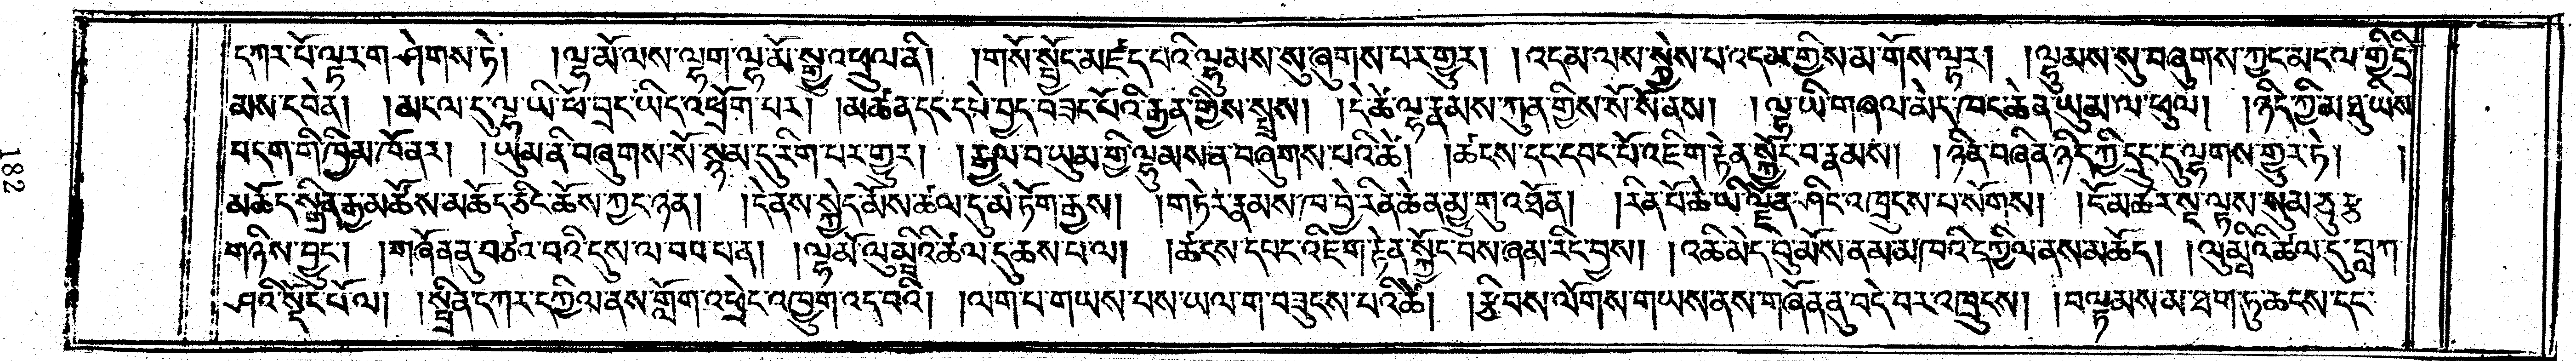དཀར་པོ་ལྟར་གཤེགས་ཏེ། །ལྷ་མོ་ལས་ལྷག་ལྷ་མོ་སྒྱུ་འཕྲུལ་ནི། །གསོ་སྦྱོང་མཛད་པའི་ལྷུམས་སུ་ཞུགས་པར་གྱུར། །འདམ་ལས་སྐྱེས་པ་འདམ་གྱིས་མ་གོས་ལྟར། །ལྷུམས་སུ་བཞུགས་ཀྱང་མངལ་གྱི་དྲི་
མས་དབེན། །མངལ་དུ་ལྷ་ཡི་ཕོ་བྲང་ཡིད་འཕྲོག་པར། །མཚན་དང་དཔེ་བྱད་བཟང་པོའི་རྒྱན་གྱིས་སྤྲས། །དེ་ཚེ་ལྷ་རྣམས་ཀུན་གྱིས་སོ་སོ་ནས། །ལྷ་ཡི་གཞལ་མེད་ཁང་ཆེན་ཡུམ་ལ་ཕུལ། །ཉིད་ཀྱི་མཐུ་ཡིས་
བདག་གི་ཁྱིམ་ཁོ་ནར། །ཡུམ་ནི་བཞུགས་སོ་སྙམ་དུ་རིག་པར་གྱུར། །རྒྱལ་བ་ཡུམ་གྱི་ལྷུམས་ན་བཞུགས་པའི་ཚེ། །ཚངས་དང་དབང་པོ་འཇིག་རྟེན་སྐྱོང་བ་རྣམས། །ཉིན་བཞིན་ཉིད་ཀྱི་དྲུང་དུ་ལྷགས་གྱུར་ཏེ། །
མཆོད་སྒྲིན་རྒྱ་མཚོས་མཆོད་ཅིང་ཆོས་ཀྱང་ཉན། །དེ་ནས་སྐྱེད་མོས་ཚལ་དུ་མེ་ཏོག་རྒྱས། །གཏེར་རྣམས་ཁ་བྱེ་རིན་ཆེན་མྱུ་གུ་འཐོན། །རིན་པོ་ཆེ་ཡི་ལྗོན་ཤིང་འཁྲུངས་པ་སོགས། །ངོ་མཚར་སྔ་ལྟས་སུམ་ཅུ་རྩ་
གཉིས་བྱུང་། །གཞོན་ནུ་བཙའ་བའི་དུས་ལ་བབ་པ་ན། །ལྷ་མོ་ལུམ་བིའི་ཚལ་དུ་ཆས་པ་ལ། །ཚངས་དབང་འཇིག་རྟེན་སྐྱོང་བས་ཞམ་རིང་བྱས། །འཆི་མེད་བུ་མོས་ནམ་མཁའི་དཀྱིལ་ནས་མཆོད། །ལུམྦིའི་ཚལ་དུ་བླ་ཀ་
ཤའི་སྡོང་པོ་ལ། །སྤྲིན་དཀར་དཀྱིལ་ནས་གློག་འཕྲེང་འཁྱུག་འདྲ་བའི། །ལག་པ་གཡས་པས་ཡལ་ག་བཟུངས་པའི་ཚེ། །རྩིབས་ལོགས་གཡས་ནས་གཞོན་ནུ་བདེ་བར་འཁྲུངས། །བལྟམས་མ་ཐག་ཏུ་ཆངས་དང་